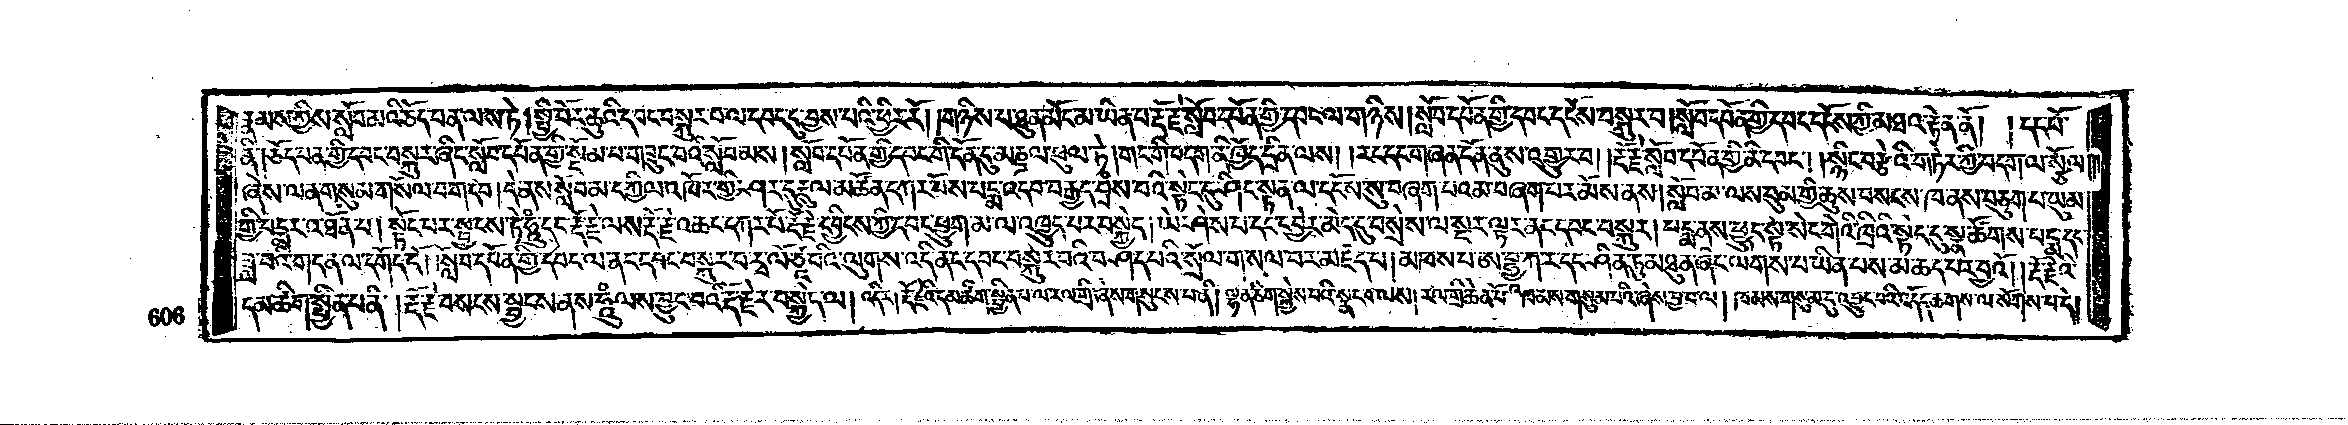རྣམས་ཀྱིས་སློབ་མའི་ཅོད་པན་ལས་ཏེ། སྤྱི་བོར་ཆུའི་དབང་བསྐུར་བ་ལ་དབང་དུ་བྱས་པའི་ཕྱིར་རོ། །གཉིས་པ་ཐུན་མོང་མ་ཡིན་པ་རྡོ་རྗེ་སློབ་དཔོན་གྱི་དབང་ལ་གཉིས། སློབ་དཔོན་གྱི་དབང་དངོས་བསྐུར་བ། སློབ་དཔོན་གྱི་དབང་དངོས་ཀྱི་མཐའ་རྟེན་ནོ། །དང་པོ་
ནི་ཅོད་པན་གྱི་དབང་བསྐུར་ཞིང་སློབ་དཔོན་གྱི་སྡོམ་པ་གཟུང་བའི་སློབ་མས། སློབ་དཔོན་གྱི་དབང་གི་དོན་དུ་མཎྜལ་ཕུལ་ཏེ། གང་གི་བདག་ནི་ཁྱོད་དྲིན་ལས། །རང་དང་གཞན་དོན་ནུས་འགྱུར་བ། །རྡོ་རྗེ་སློབ་དཔོན་གྱི་མི་དབང་། །སྙིང་བརྩེའི་གཏེར་གྱི་བདག་ལ་སྩོལ་
ཞེས་ལན་གསུམ་གསོལ་པ་གདབ། དེ་ནས་སློབ་མ་དཀྱིལ་འཁོར་གྱི་ཤར་དུ་རྡུལ་མཚོན་དཀར་པོས་པདམ་འདབ་བརྒྱད་བྲིས་བའི་སྟེང་དུ་ཤིང་སྟན་ལ་དངོས་སུ་བཞག་པའམ་བཞག་པར་མོས་ནས། སློབ་མ་ལས་བུམ་གྱི་ཆུས་བསངས་ཁ་ནས་བཅུག་པ་ཡུམ་
གྱི་པདམར་འཐོན་པ། སྟོང་པར་སྦྱངས་ཏེ་ཧཱུཾ་དང་རྡོ་རྗེ་ལས་རྡོ་རྗེ་འཆང་དཀར་པོ་རྡོ་རྗེ་དབྱིངས་ཀྱི་དབང་ཕྱུག་མ་ལ་འཁྱུད་པར་བསྐྱེད། ཡེ་ཤེས་པ་དང་དབྱེར་མེད་དུ་བསྲེས་ལ་སྔར་ལྟར་ནང་དབང་བསྐུར། པདམ་ནས་ཕྱུང་སྟེ་སེང་གེའི་ཁྲིའི་སྟེང་དུ་སྣ་ཚོགས་པདམ་དང་
ཟླ་བའི་གདན་ལ་དགོད་དོ། །སློབ་དཔོན་གྱི་དབང་ལ་ནང་དབང་བསྐུར་བ་རྭ་ལོ་ཙཱ་བའི་ལུགས་འདི་ནང་དབང་བསྐུར་བའི་བཤད་པའི་སྲོལ་གསལ་བར་མཛད་པ། མཁས་པ་ཨ་བྷྱ་ཀ་ར་དང་ཤིན་ཏུ་མཐུན་ཞིང་ལགས་པ་ཡིན་པས་མ་ཆད་པར་བྱའོ། །རྡོ་རྗེའི་
དམ་ཚིག་སྦྱིན་པ་ནི། རྡོ་རྗེ་བསངས་སྦྱངས་ནས་ཧཱུཾ་ལས་བྱུང་བའི་རྡོ་རྗེར་བསྐྱེད་ལ། འདིར། རྡོ་རྗེའི་དམ་ཚིག་སྦྱིན་པ་ལ་རལ་གྲི་ཞེས་གསུངས་པ་ནི། ལྷན་ཅིག་སྐྱེས་པའི་སྣང་བ་ལས། རལ་གྲི་ཆེན་པོའི་ཁམས་གསུམ་པའི་ཞེས་བྱ་བ་ལ། ཁམས་གསུམ་དུ་འབྱུང་བའི་འདོད་ཆགས་ལ་སོགས་པ་དེ།